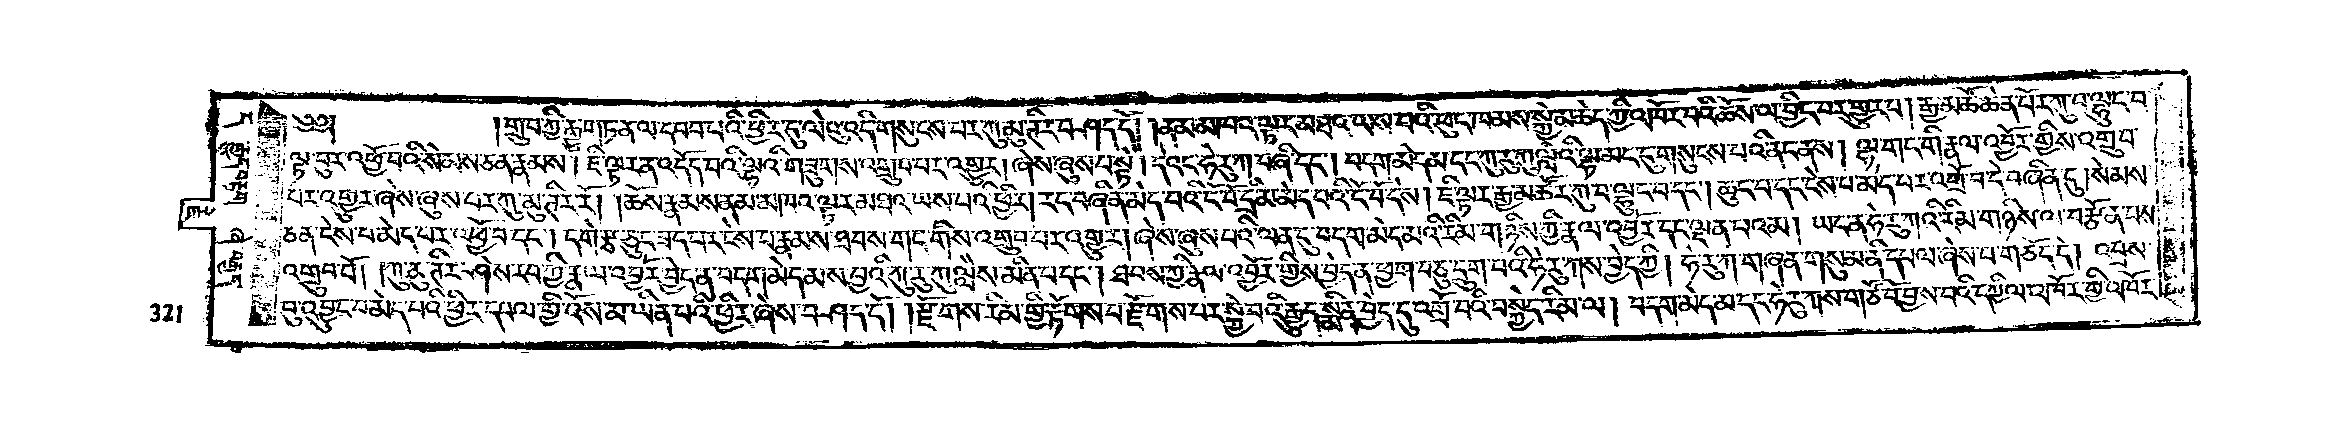༄༅། །གྲུབ་ཀྱི་རྒྱུ་གཏན་ལ་དབབ་པའི་ཕྱིར་དུ་ལེའུ་འདི་གསུངས་པར་ཀུ་མུ་ཊིར་བཤད་དོ། །ནམ་མཁའ་ལྟར་མཐའ་ཡས་པའི་ཕུང་ཁམས་སྐྱེ་མཆེད་ཀྱི་འཁོར་བའི་ཆོས་ལ་བྱིང་བར་གྱུར་བ། རྒྱ་མཚོ་ཆེན་པོར་ཀུ་བ་ལྷུང་བ་
ལྟ་བུར་འཕྱོ་བའི་སེམས་ཅན་རྣམས། ཇི་ལྟར་ན་འདོད་པའི་ལྷའི་གཟུགས་འགྲུབ་པར་འགྱུར། ཞེས་ཞུས་པ་སྟེ། དེའང་ཧེ་རུ་ཀ་བཞི་དང་། བདག་མེད་མ་དང་ཀུ་རུ་ཀུ་ལླེའི་ལྷ་མང་དུ་གསུངས་པའི་ནང་ནས། ལྷ་གང་གི་རྣལ་འབྱོར་གྱིས་འགྲུབ་
པར་འགྱུར་ཞེས་ཞུས་པར་ཀུ་མུ་ཊིར་རོ། །ཆོས་རྣམས་ནམ་མཁའ་ལྟར་མཐའ་ཡས་པའི་ཕྱིར། རང་བཞིན་མེད་པའི་ངོ་བོ་དྲི་མ་མེད་པའི་ངོ་བོ་དེས། ཇི་ལྟར་རྒྱ་མཚོར་ཀུ་བ་ལྷུང་བ་དང་། ཆུང་བ་དང་ངེས་པ་མེད་པར་འགྲོ་བ་དེ་བཞིན་དུ། སེམས་
ཅན་ངེས་པ་མེད་པར་འཕྱོ་བ་དང་། དགེ་རྩ་ཅུང་ཟད་པར་ངེས་པ་རྣམས་ཐབས་གང་གིས་འགྲུབ་པར་འགྱུར། ཞེས་ཞུས་པའི་ལན་དུ་བདག་མེད་མའི་རིམ་གཉིས་ཀྱི་རྣལ་འབྱོར་དང་ལྡན་པའམ། ཡང་ན་ཧེ་རུ་ཀའི་རིམ་གཉིས་ལ་བརྩོན་པས་
འགྲུབ་བོ། །ཀུ་ནུ་ཊིར་ཤེས་རབ་ཀྱི་རྣལ་འབྱོར་བྱེད་ན་བདག་མེད་མས་བྱའི་ཀུ་རུ་ཀུ་ལླཻས་མིན་པ་དང་། ཐབས་ཀྱི་རྣལ་འབྱོར་གྱིས་བྱེད་ན་ཕྱག་བཅུ་དྲུག་པའི་ཧེ་རུ་ཀས་བྱེད་ཀྱི། ཧེ་རུ་ཀ་གཞན་གསུམ་ནི་དཔལ་ཞེས་པ་གཅོད་དེ། འབྲས་
བུ་འབྱུང་བ་མེད་པའི་ཕྱིར་དཔལ་གྱི་འོས་མ་ཡིན་པའི་ཕྱིར་ཞེས་བཤད་དོ། །རྫོགས་རིམ་གྱི་རྟོགས་པ་རྫོགས་པར་སྐྱེ་བའི་རྒྱུད་སྨིན་བྱེད་དུ་འགྲོ་བའི་བསྐྱེད་རིམ་ལ། བདག་མེད་མ་དང་ཧེ་རུ་ཀས་གཙོ་བོ་བྱས་པའི་དཀྱིལ་འཁོར་གྱི་འཁོར་